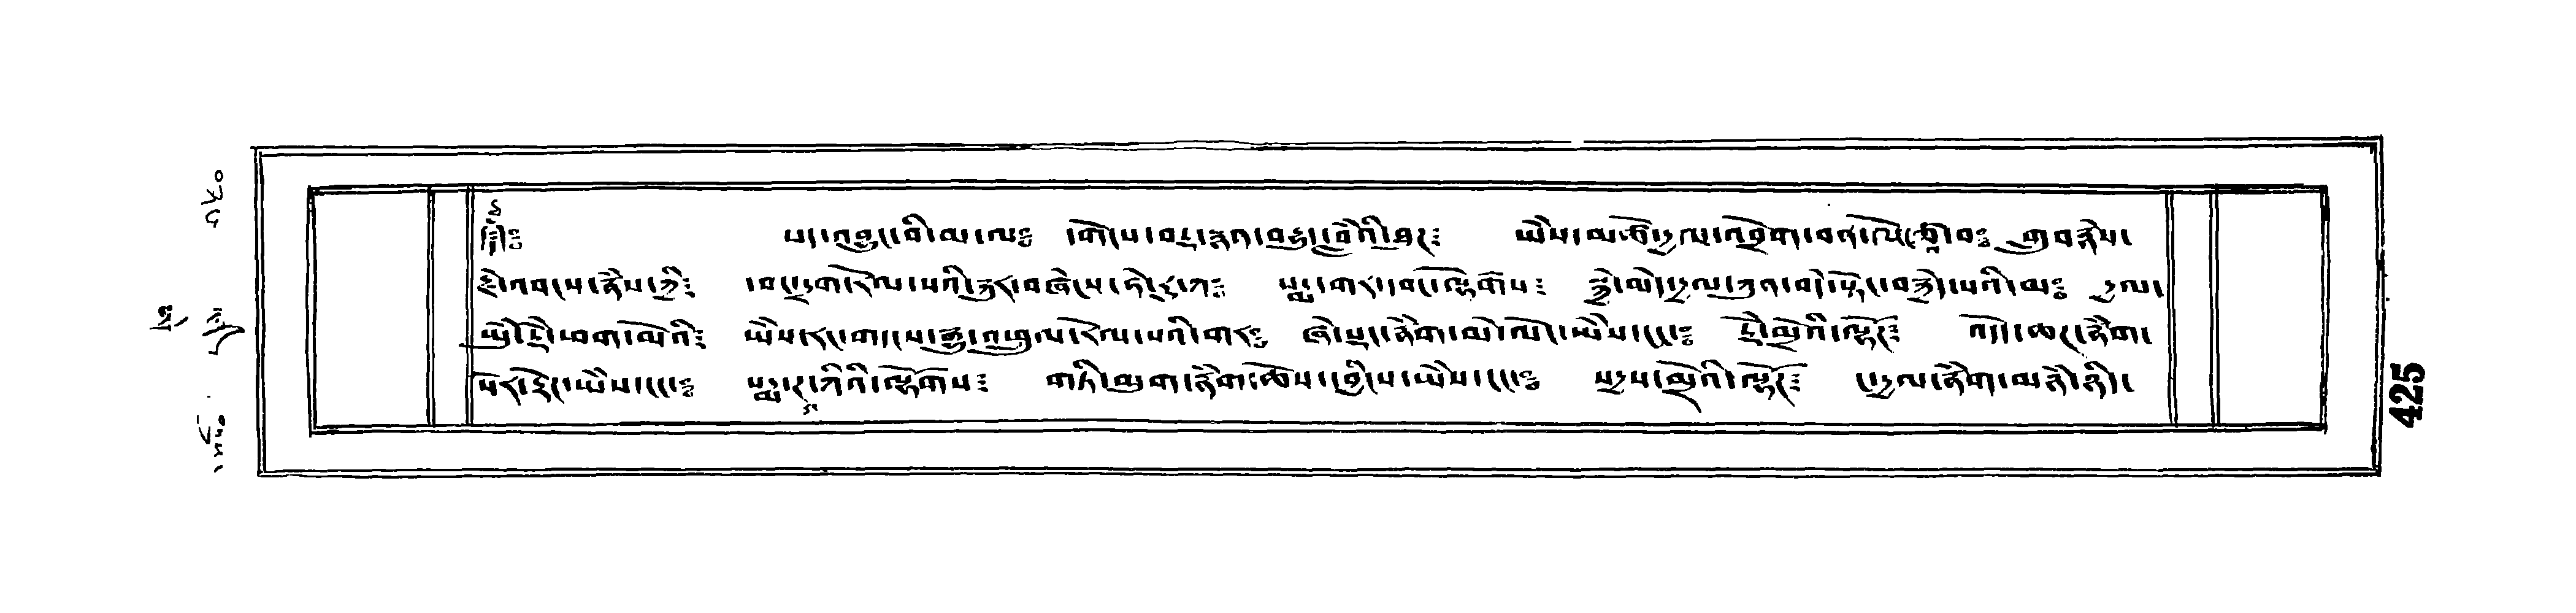པད་འབྱུང་བི་མ་ལ༔ དགོངས་བརྡ་སྙན་བརྒྱུད་བླ་མའི་ཐུགས༴ ཡེ་ཤེས་མཚོ་རྒྱལ་འབྲོག་བན་ལོ་ཙཱ་བ༔ གྲུབ་བརྙེས་
རྗེ་འབངས་རྣམས་ཀྱི༴ དབང་དྲག་རོལ་པའི་སྐུར་བཞེངས་ཧེ་རུ་ཀ༔ པདྨ་གར་དབང་ལྷ་ཚོགས༴ སྐྱེ་མེད་རྒྱལ་ཀུན་བདེ་སྟོང་བསྐྱེད་པའི་མ༔ རྒྱལ་
ཡུམ་རྡོ་རྗེ་ཕག་མོའི༴ ཡེ་ཤེས་རང་གདངས་སྒྱུ་འཕྲུལ་རོལ་པའི་གར༔ ཞེ་སྡང་རྣམ་དག་མེ་ལོང་ཡེ་ཤེས་ངང༔ རྡོ་རྗེ་མཁའ་འགྲོའི་ལྷ་ཚོགས༴ འདོད་ཆགས་རྣམ་དག་
སོར་རྟོགས་ཡེ་ཤེས་ངང༔ པདྨ་ཌཱ་ཀིའི་ལྷ་ཚོགས༴ གཏི་མུག་རྣམ་དག་ཆོས་དབྱིངས་ཡེ་ཤེས་ངང༔ སངས་རྒྱས་མཁའ་འགྲོའི་ལྷ་ཚོགས༴ ང་རྒྱལ་རྣམ་དག་མཉམ་ཉིད་